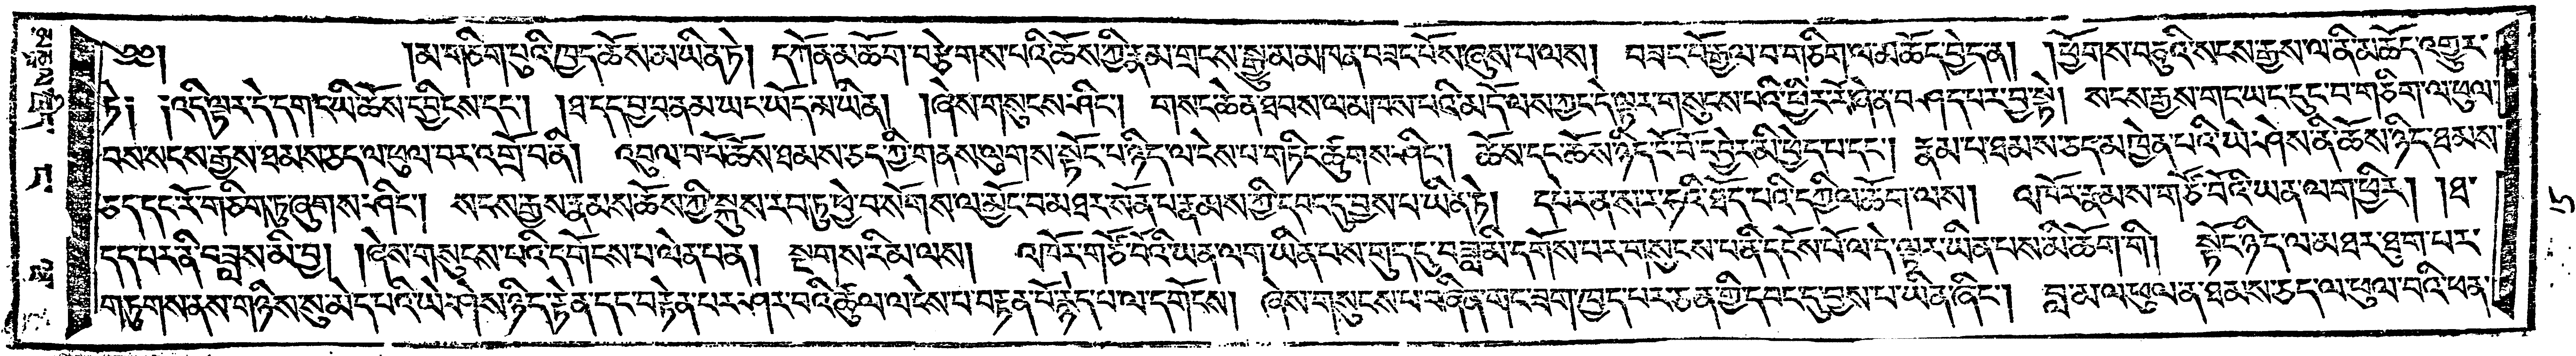༄༅། །མ་གཅིག་པུའི་ཁྱད་ཆོས་མ་ཡིན་ཏེ། དཀོན་མཆོག་བརྩེགས་པའི་ཆོས་ཀྱི་རྣམ་གྲངས་སྒྱུ་མ་མཁན་བཟང་བོས་ཞུས་པ་ལས། བཟང་བོ་རྒྱལ་བ་གཅིག་ལ་མཆོད་བྱེད་ན། །ཕྱོགས་བཅུའི་སངས་རྒྱས་ལ་ནི་མཆོད་འགྱུར་
ཏེ༑ ༑འདི་ལྟར་དེ་དགའ་ཡི་ཆོས་དབྱིངས་དང་། །ཐ་དད་བྱ་བ་ནམ་ཡང་ཡོད་མ་ཡིན། །ཞེས་གསུངས་ཤིང་། གསང་ཆེན་ཐབས་ལ་མཁས་པའི་མདོ་ལས་ཀྱང་དེ་ལྟར་གསུངས་པའི་ཕྱིར་རོ་ཞེ་ན་བཤད་པར་བྱ་སྟེ། སངས་རྒྱས་གང་ཡང་དུང་བ་གཅིག་ལ་ཕུལ་
བས་སངས་རྒྱས་ཐམས་ཅད་ལ་ཕུལ་བར་འགྲོ་བ་ནི། འབུལ་བ་པོ་ཆོས་ཐམས་ཅད་ཀྱི་གནས་ལུགས་སྟོང་པ་ཉིད་ལ་ངེས་པ་གཏིང་ཚུགས་ཤིང་། ཆོས་དང་ཆོས་ཉིད་ངོ་བོ་དབྱེར་མི་ཕྱེད་པ་དང་། རྣམ་པ་ཐམས་ཅད་མཁྱེན་པའི་ཡེ་ཤེས་ནི་ཆོས་ཉིད་ཐམས་
ཅད་དང་རོ་གཅིག་ཏུ་ཞུགས་ཤིང་། སངས་རྒྱས་རྣམས་ཆོས་ཀྱི་སྐུས་རབ་ཏུ་ཕྱེ་བ་སོགས་ལ་མྱོང་བ་མཐར་སོན་པ་རྣམས་ཀྱི་དབང་དུ་བྱས་པ་ཡིན་ཏེ། དཔེར་ན་ས་ར་ཧའི་ཐོད་པའི་དཀྱིལ་ཆོག་ལས། འཁོར་རྣམས་གཙོ་བོའི་ཡན་ལག་ཕྱིར། །ཐ་
དད་པར་ནི་བཟླས་མི་བྱ། །ཞེས་གསུངས་པའི་དགོངས་པ་ལེན་པ་ན། སྔགས་རིམ་ལས། འཁོར་གཙོ་བོའི་ཡན་ལག་ཡིན་པས་གུད་དུ་བཟླ་མི་དགོས་བར་གསུངས་པ་ནི་དངོས་པོ་ལ་དེ་ལྟར་ཡིན་པས་མི་ཆོག་གི། སྟོང་ཉིད་ལ་མཐར་ཐུག་པར་
གཏུགས་ནས་གཉིས་སུ་མེད་པའི་ཡེ་ཤེས་ཉིད་རྟེན་དང་བརྟེན་པར་ཤར་བའི་ཚུལ་ལ་ངེས་པ་བརྟན་བོ་རྙེད་པ་ལ་དགོངས། ཞེས་གསུངས་པ་བཞིན་གང་ཟག་ཁྱད་པར་ཅན་གྱི་དབང་དུ་བྱས་པ་ཡིན་ཞིང་། བླ་མ་ལ་ཕུལ་ན་ཐམས་ཅད་ལ་ཕུལ་བའི་ཕན་